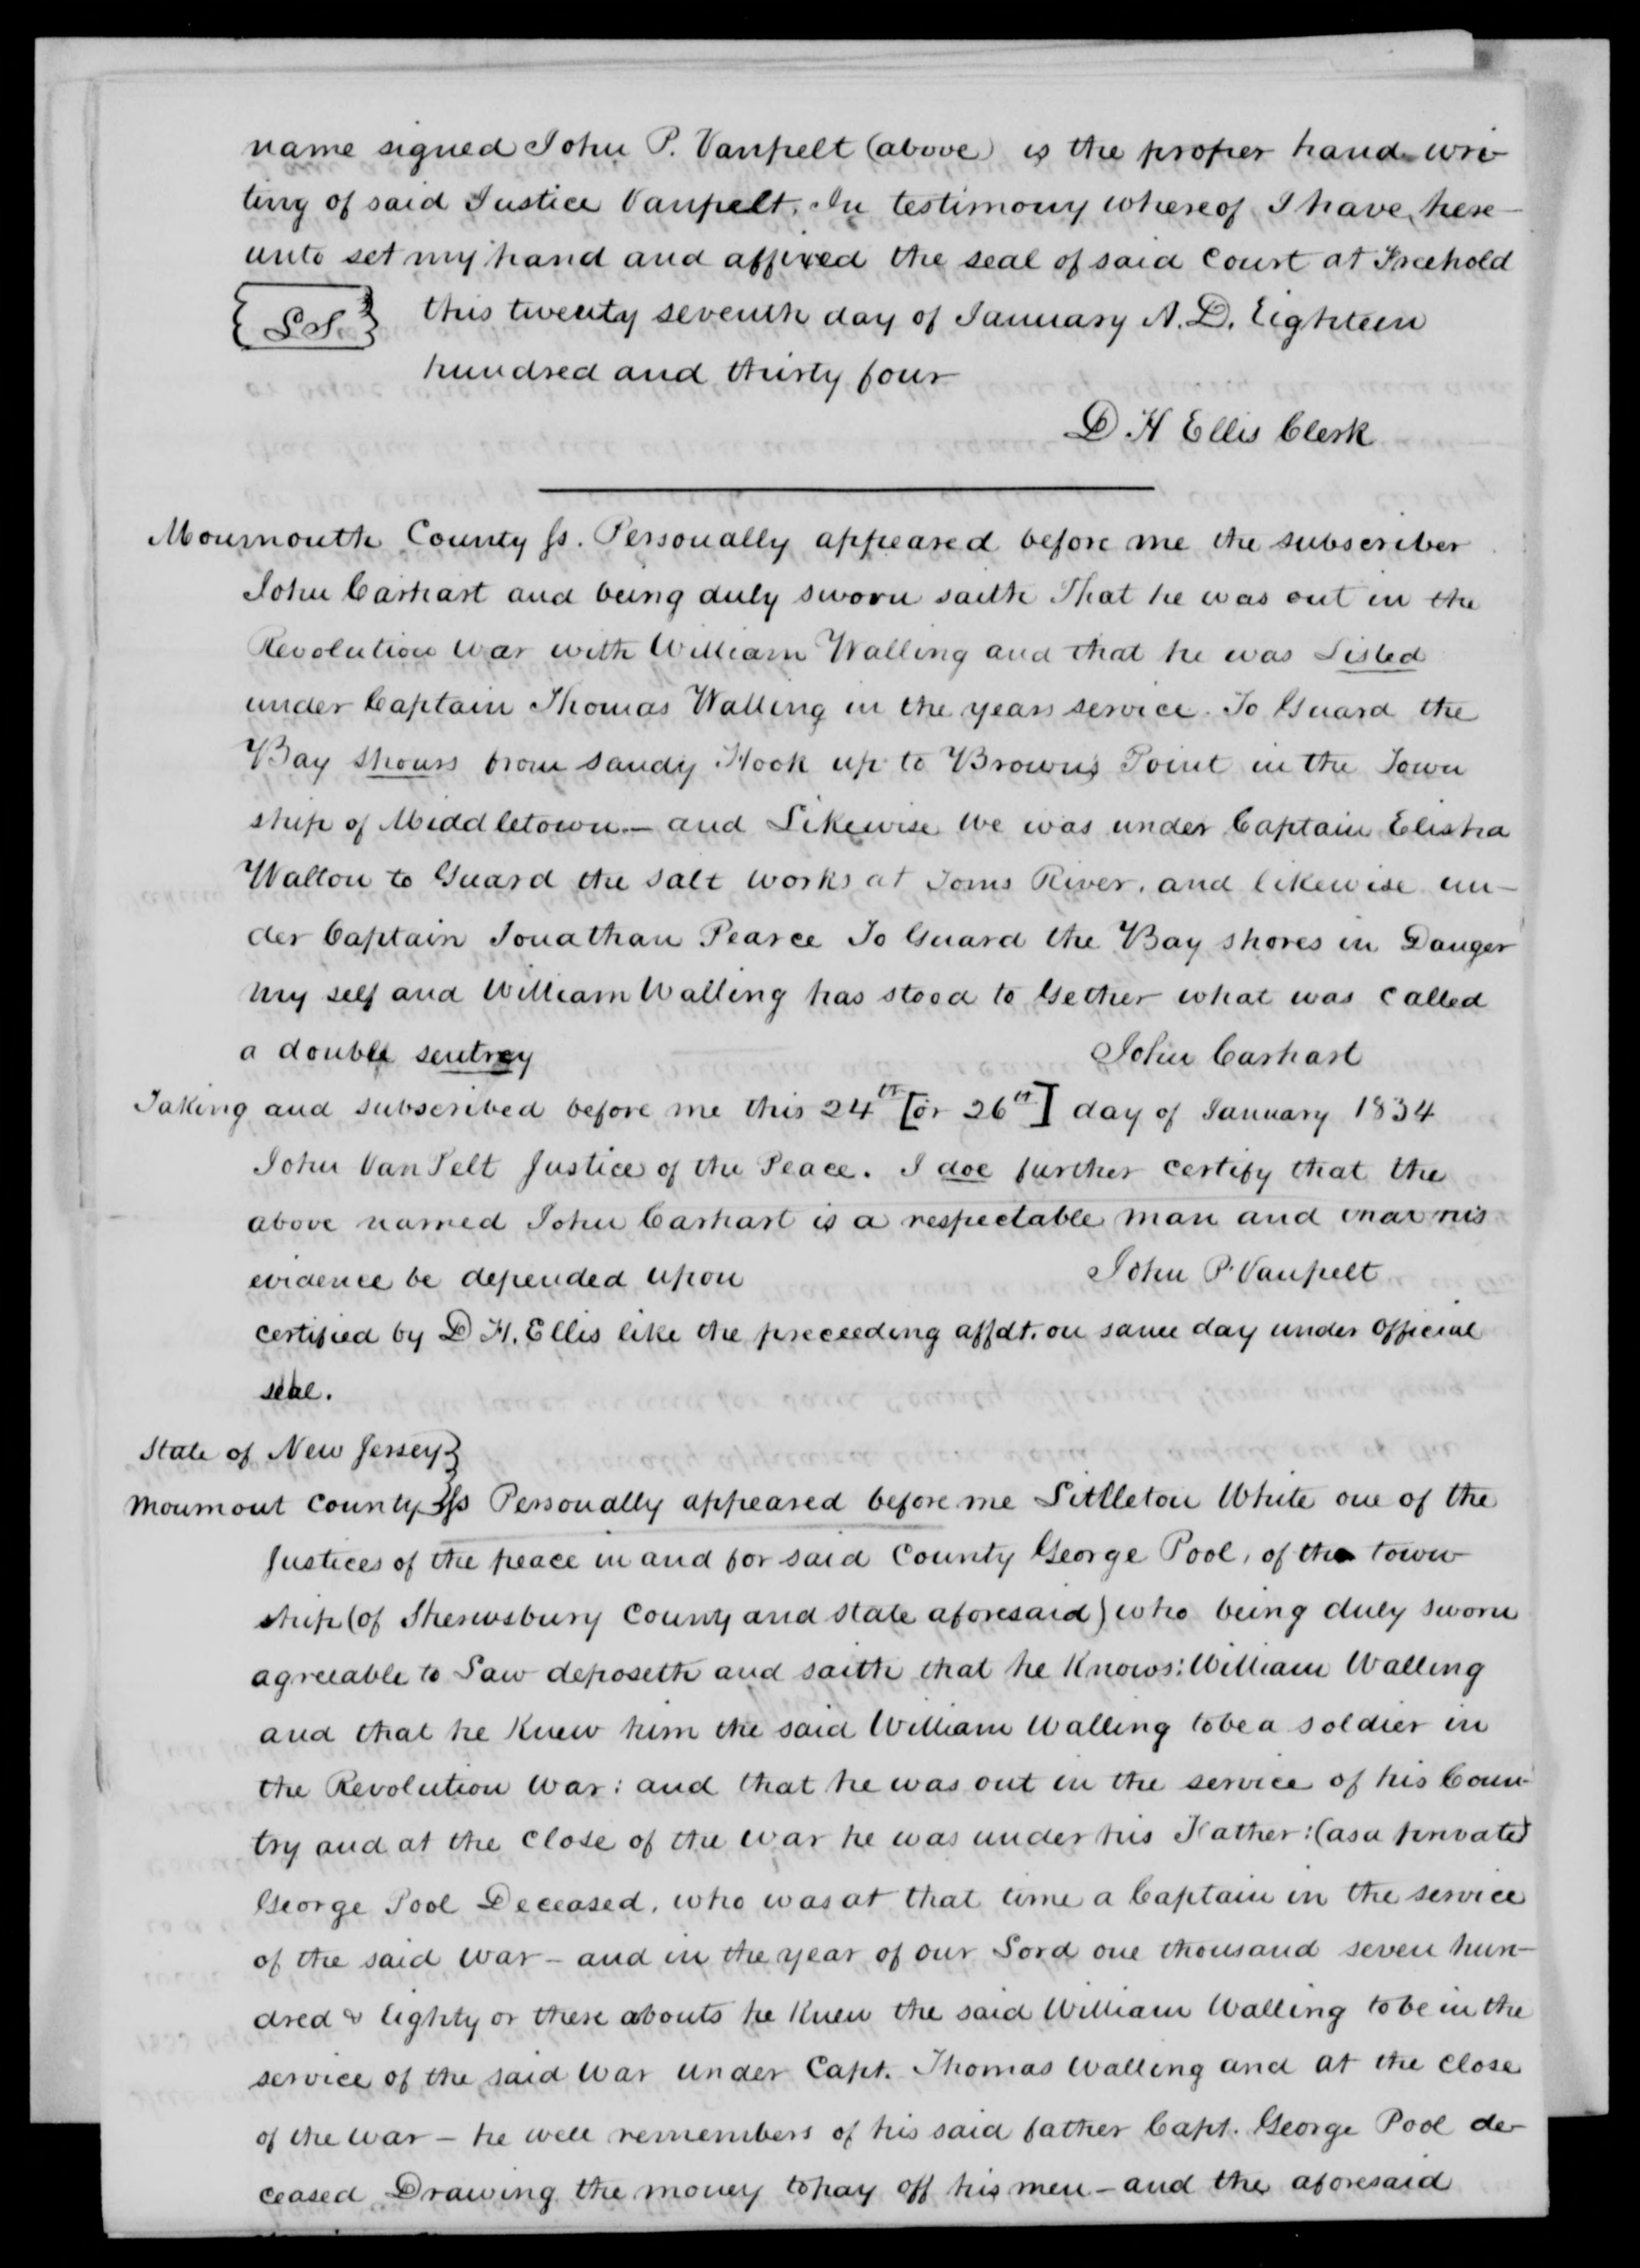name signed John P. Vanpelt (above) is the proper handwriting of said Justice Vanpelt in testimony whereof I have hereunto set my hand and affixed the seal of said court at Freehold [SS] this twenty seventh day of January A.D. Eighteen hundred and thirty four, D.H. Ellis, Clerk

Monmouth County ss Personally appeared before me the subscriber John Carhart and being duly sworn saith that he was out in the Revolution War with William Walling and that he was listed under Captain Thomas Walling in the years service to guard the Bay shores from Sandy Hook up to Browns Point in the Township of Middletown and likewise we was under Captain Elisha Walton to guard the salt works at Toms River and likewise under Captain Jonathan Pearce to guard the Bay shores in danger my self and William walling has stood together what was called a double sentry. John Carhart
Taking and subscribed before me this 24th [or 26th] day of January 1834 John Vanpelt Justice of the Peace.  I do further certify that the above named John Carhart is a respectable man and that his evidence be depended upon, John P. Vanpelt, Certified by D.H. Ellis like the preceding affidavit same day under official seal.

State of New Jersey, Monmouth County, ss, Personally appeared before me Littleton White one of the Justices of the Peace in and for said County George Pool, of the township of Shrewsbury County and State aforesaid who being duly sworn agreeable to law deposeth and saith that he knows: William Walling and that he knew him the said William Walling to be a soldier in the Revolution War and that he was out in the service of his Country and at the close of the war he was under his father (as a private) George Pool deceased who was at that time a Captain in the service of the said war and in the year of our Lord one thousand seven hundred & eighty or thereabouts he knew the said William Walling to be in the service of the said war under Capt. Thomas Walling and at the close of the war he well remembers of his said father Capt. George Pool deceased drawing the money to pay off his men and the aforesaid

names: Thomas Walling, Littleton White, William Walling, William Walling, William Walling, George Pool, John Carhart, John P Vanpelt, D H Ellis, George Pool, Thomas Walling, John Carhart, John Van Pelt, D H Ellis, John P Vanpelt, Vanpelt, William Walling, John Carhart, George Pool, Elisha Walton, Jonathan Pearce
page: 46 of 66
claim: widow's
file: W. 19588, William Walling, New Jersey